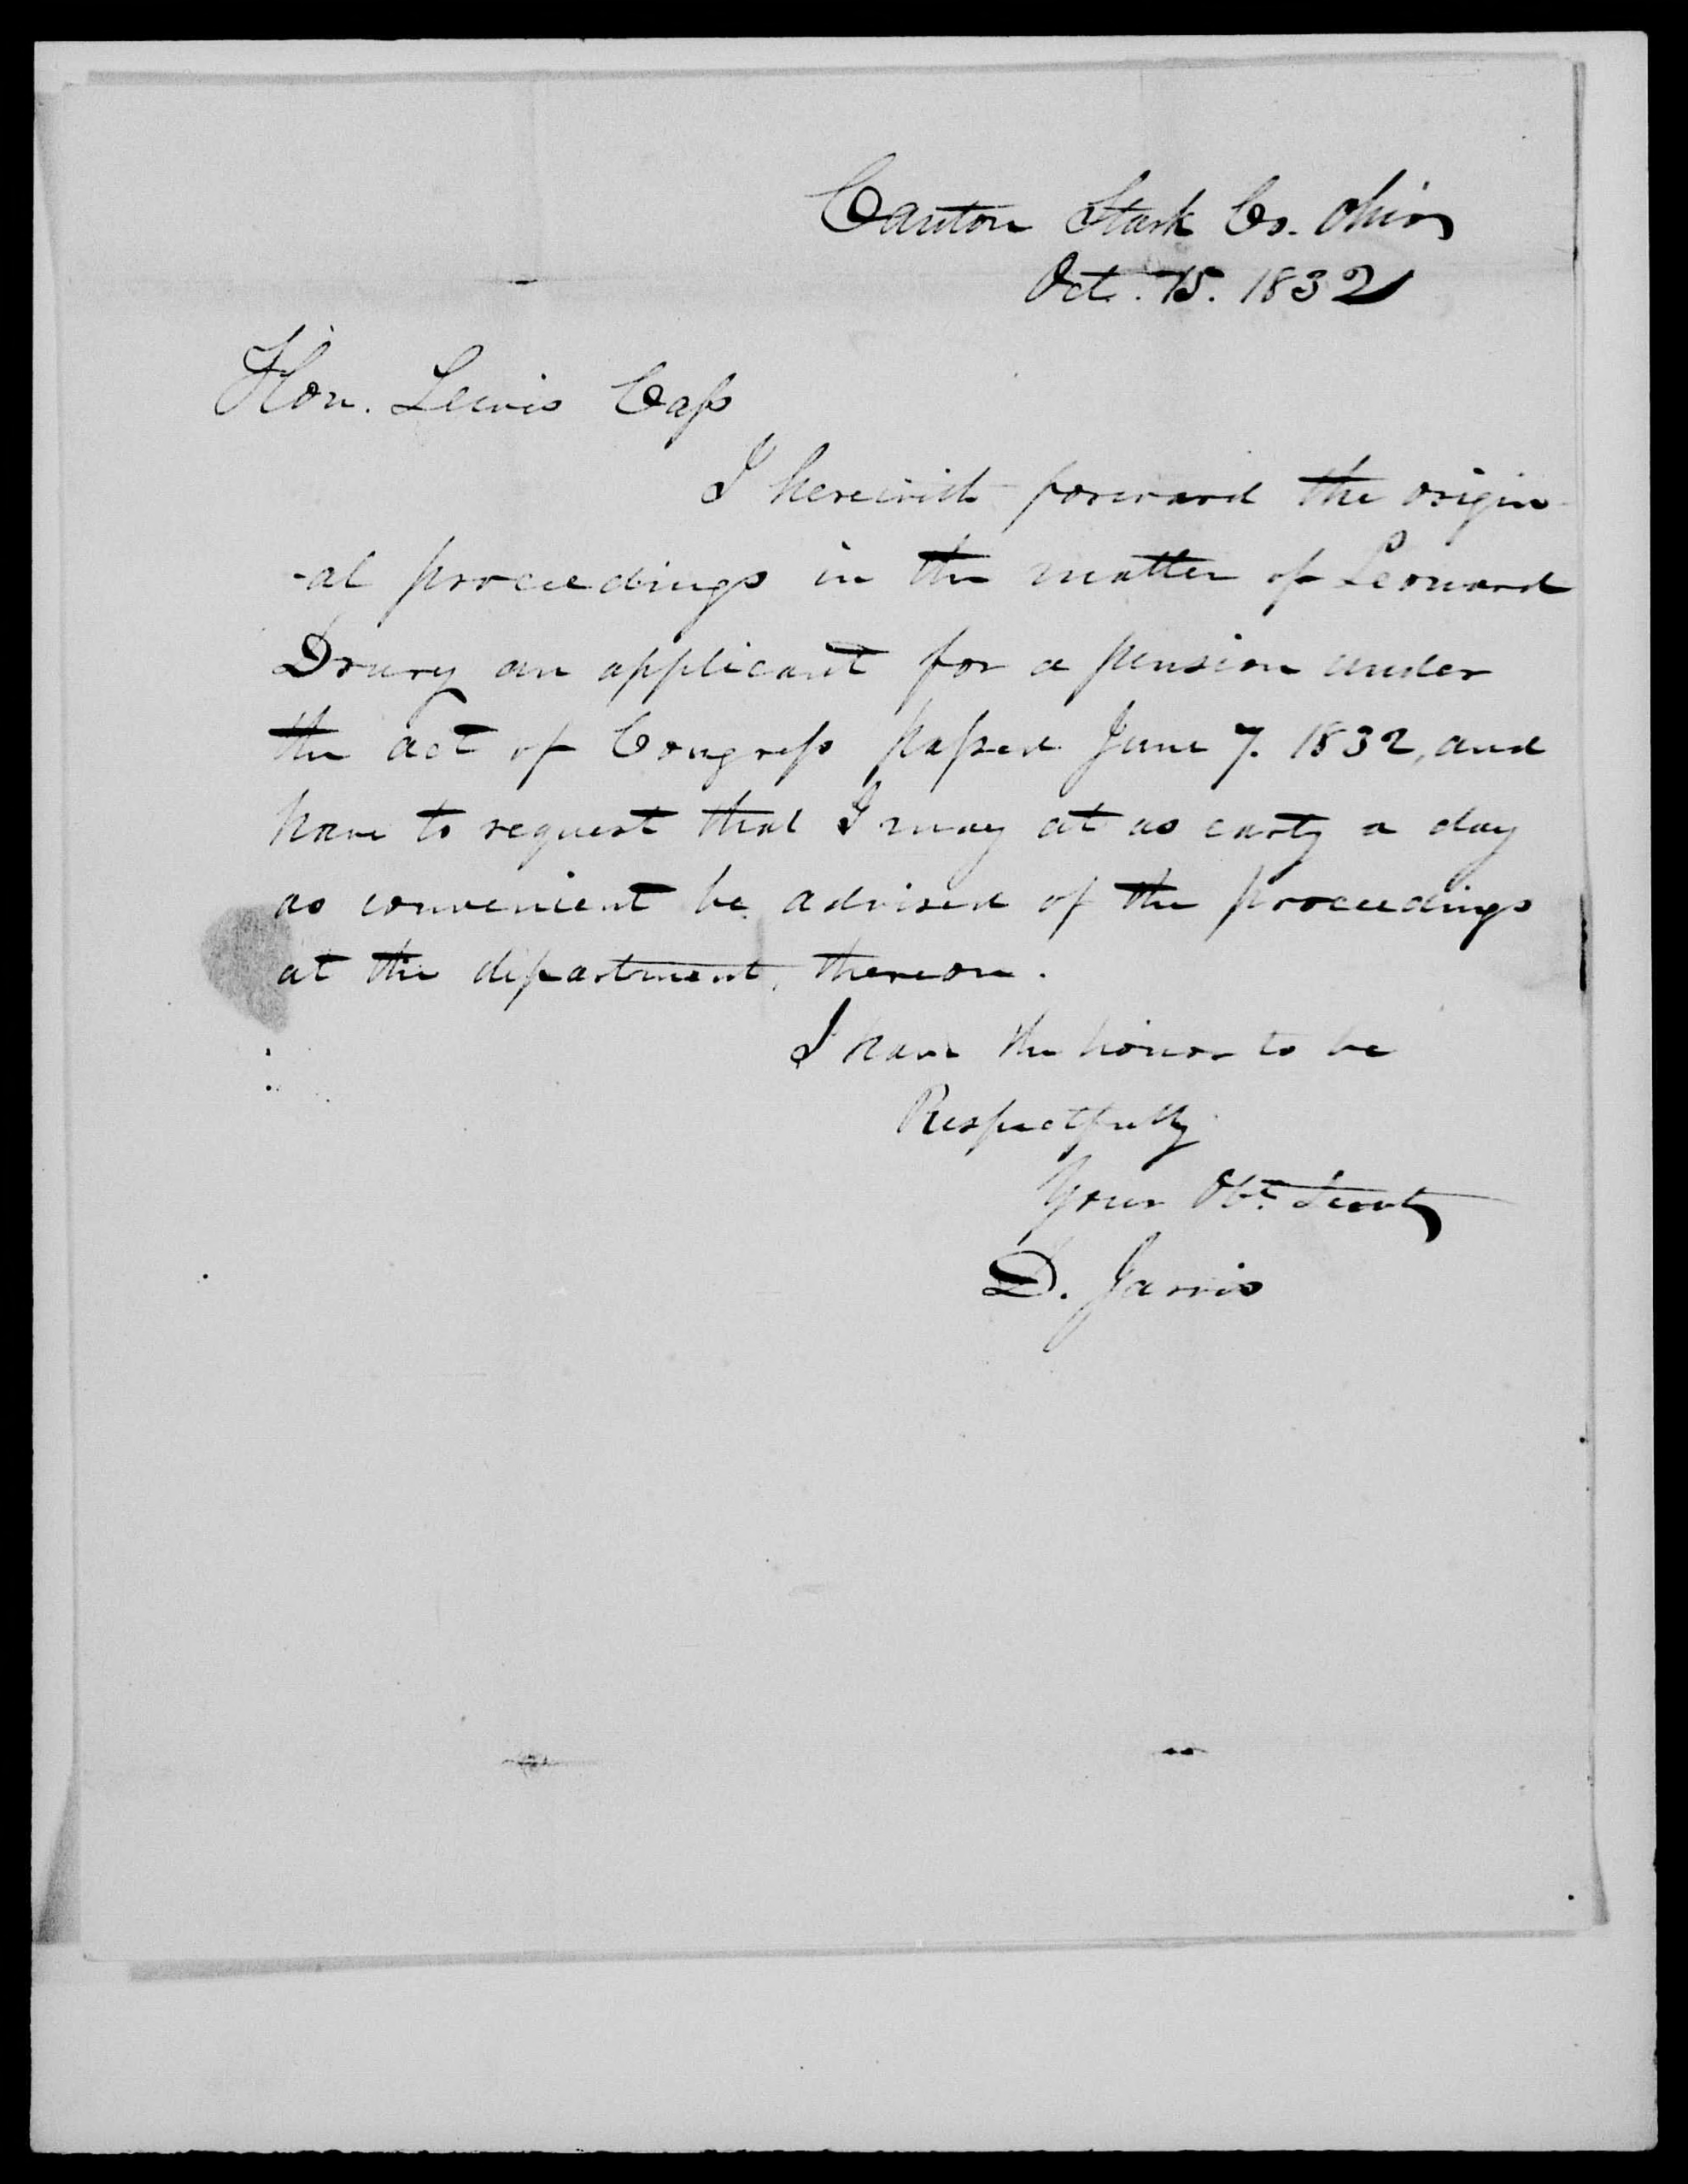Canton, Stark Co Ohio
OCt 15, 1832

Hon Lewis Cass

I herewith forward the original proceedings in the matter of Leonard Drury an applicant for a pension under the act of congress passed June 7, 1832, and want to request that I may at as early a day as convenient be advised of the proceedings at the department thereon.

I have the honor to be
Respectfully
Your Obt Servant
D. Garris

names: D Garris, Lewis Cass, Leonard Drury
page: 4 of 9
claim: survivor's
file: S. 2183, Leonard Drury, Md.